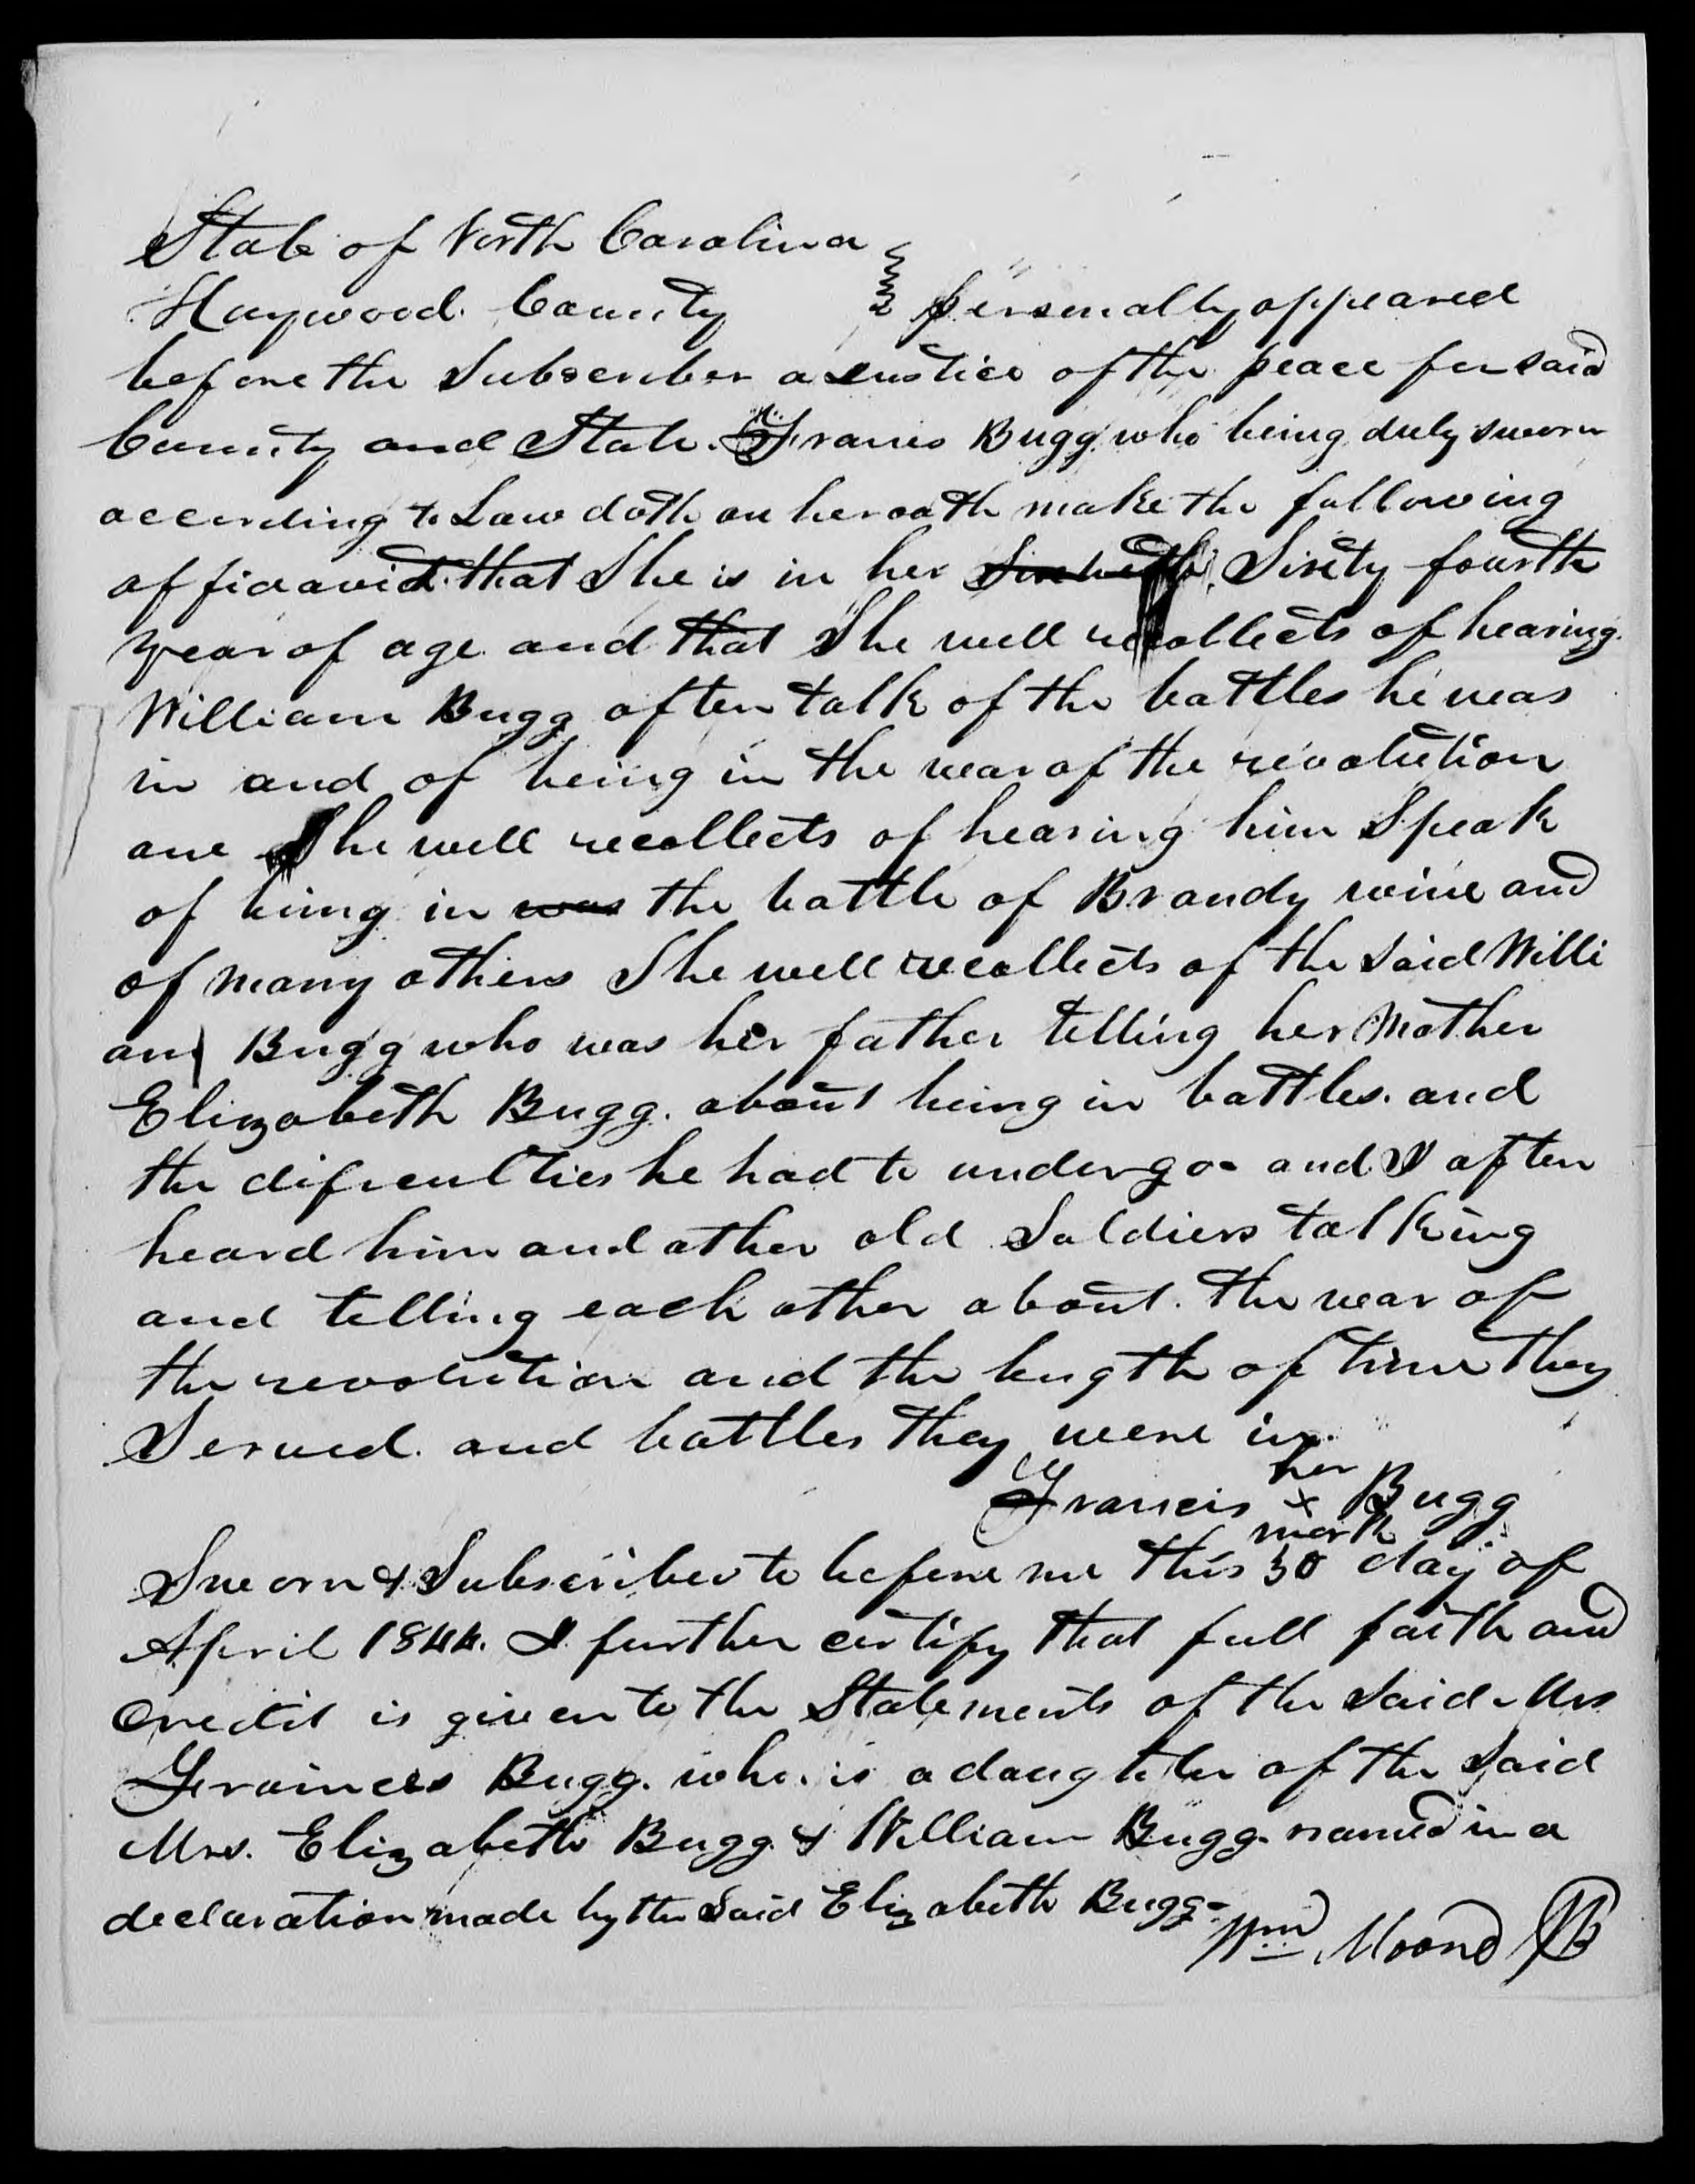State of North Carolina}
Haywood County}   persenally appeared before the Subscriber a Justice of the peace fer said County and State. Franis [or Francs or Franes] Bugg who being duly swern accerding to Law doth on her oath make the following affidavid [or affidavit]. that She is in her [here it appears the word "Sixtieth" was crossed out], Sixty fourth year of age and that She well recollects of hearing. William Bugg often talk of the battles he was in and of being in the war of the revolution [Here there is what looks like "ane" or "one" perhaps meaning and.] She well recollects of hearing him Speak of being in [here the word "was" has been crossed out] the battle of Brandy wine and of many others   

[Occasional spacing has been included to make the text easier to read.] 

She well recollects of the Said William Bugg who was her father telling her Mother Elizabeth Bugg. about being in battles. and the dificulties he had to undergo and I often heard him and other old Soldiers talking and telling each other about. the war of the revolution and the length of time they Served. and battles they were in. Francis [her x mark] Bugg

Sworn & Subscribed to befere me this 30 day of April 1844. I further certify that full faith and credit is given to the Statements of the Said Mrs. Frainces [or Fraincis] Bugg. who . is a daughter of the Said Mrs. Elizabeth Bugg & William Bugg. named in a declaration made by the Said Elizabeth Bugg.  Wm Moore [JP is encircled]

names: Elizabeth Bugg, William Bugg, William Bugg, Elizabeth Bugg, Franis Bugg, Francis Bugg, William Bugg, Elizabeth Bugg, Wm Moore, Frainces Bugg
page: 20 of 50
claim: widow's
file: W. 898, William Bugg, N.C.